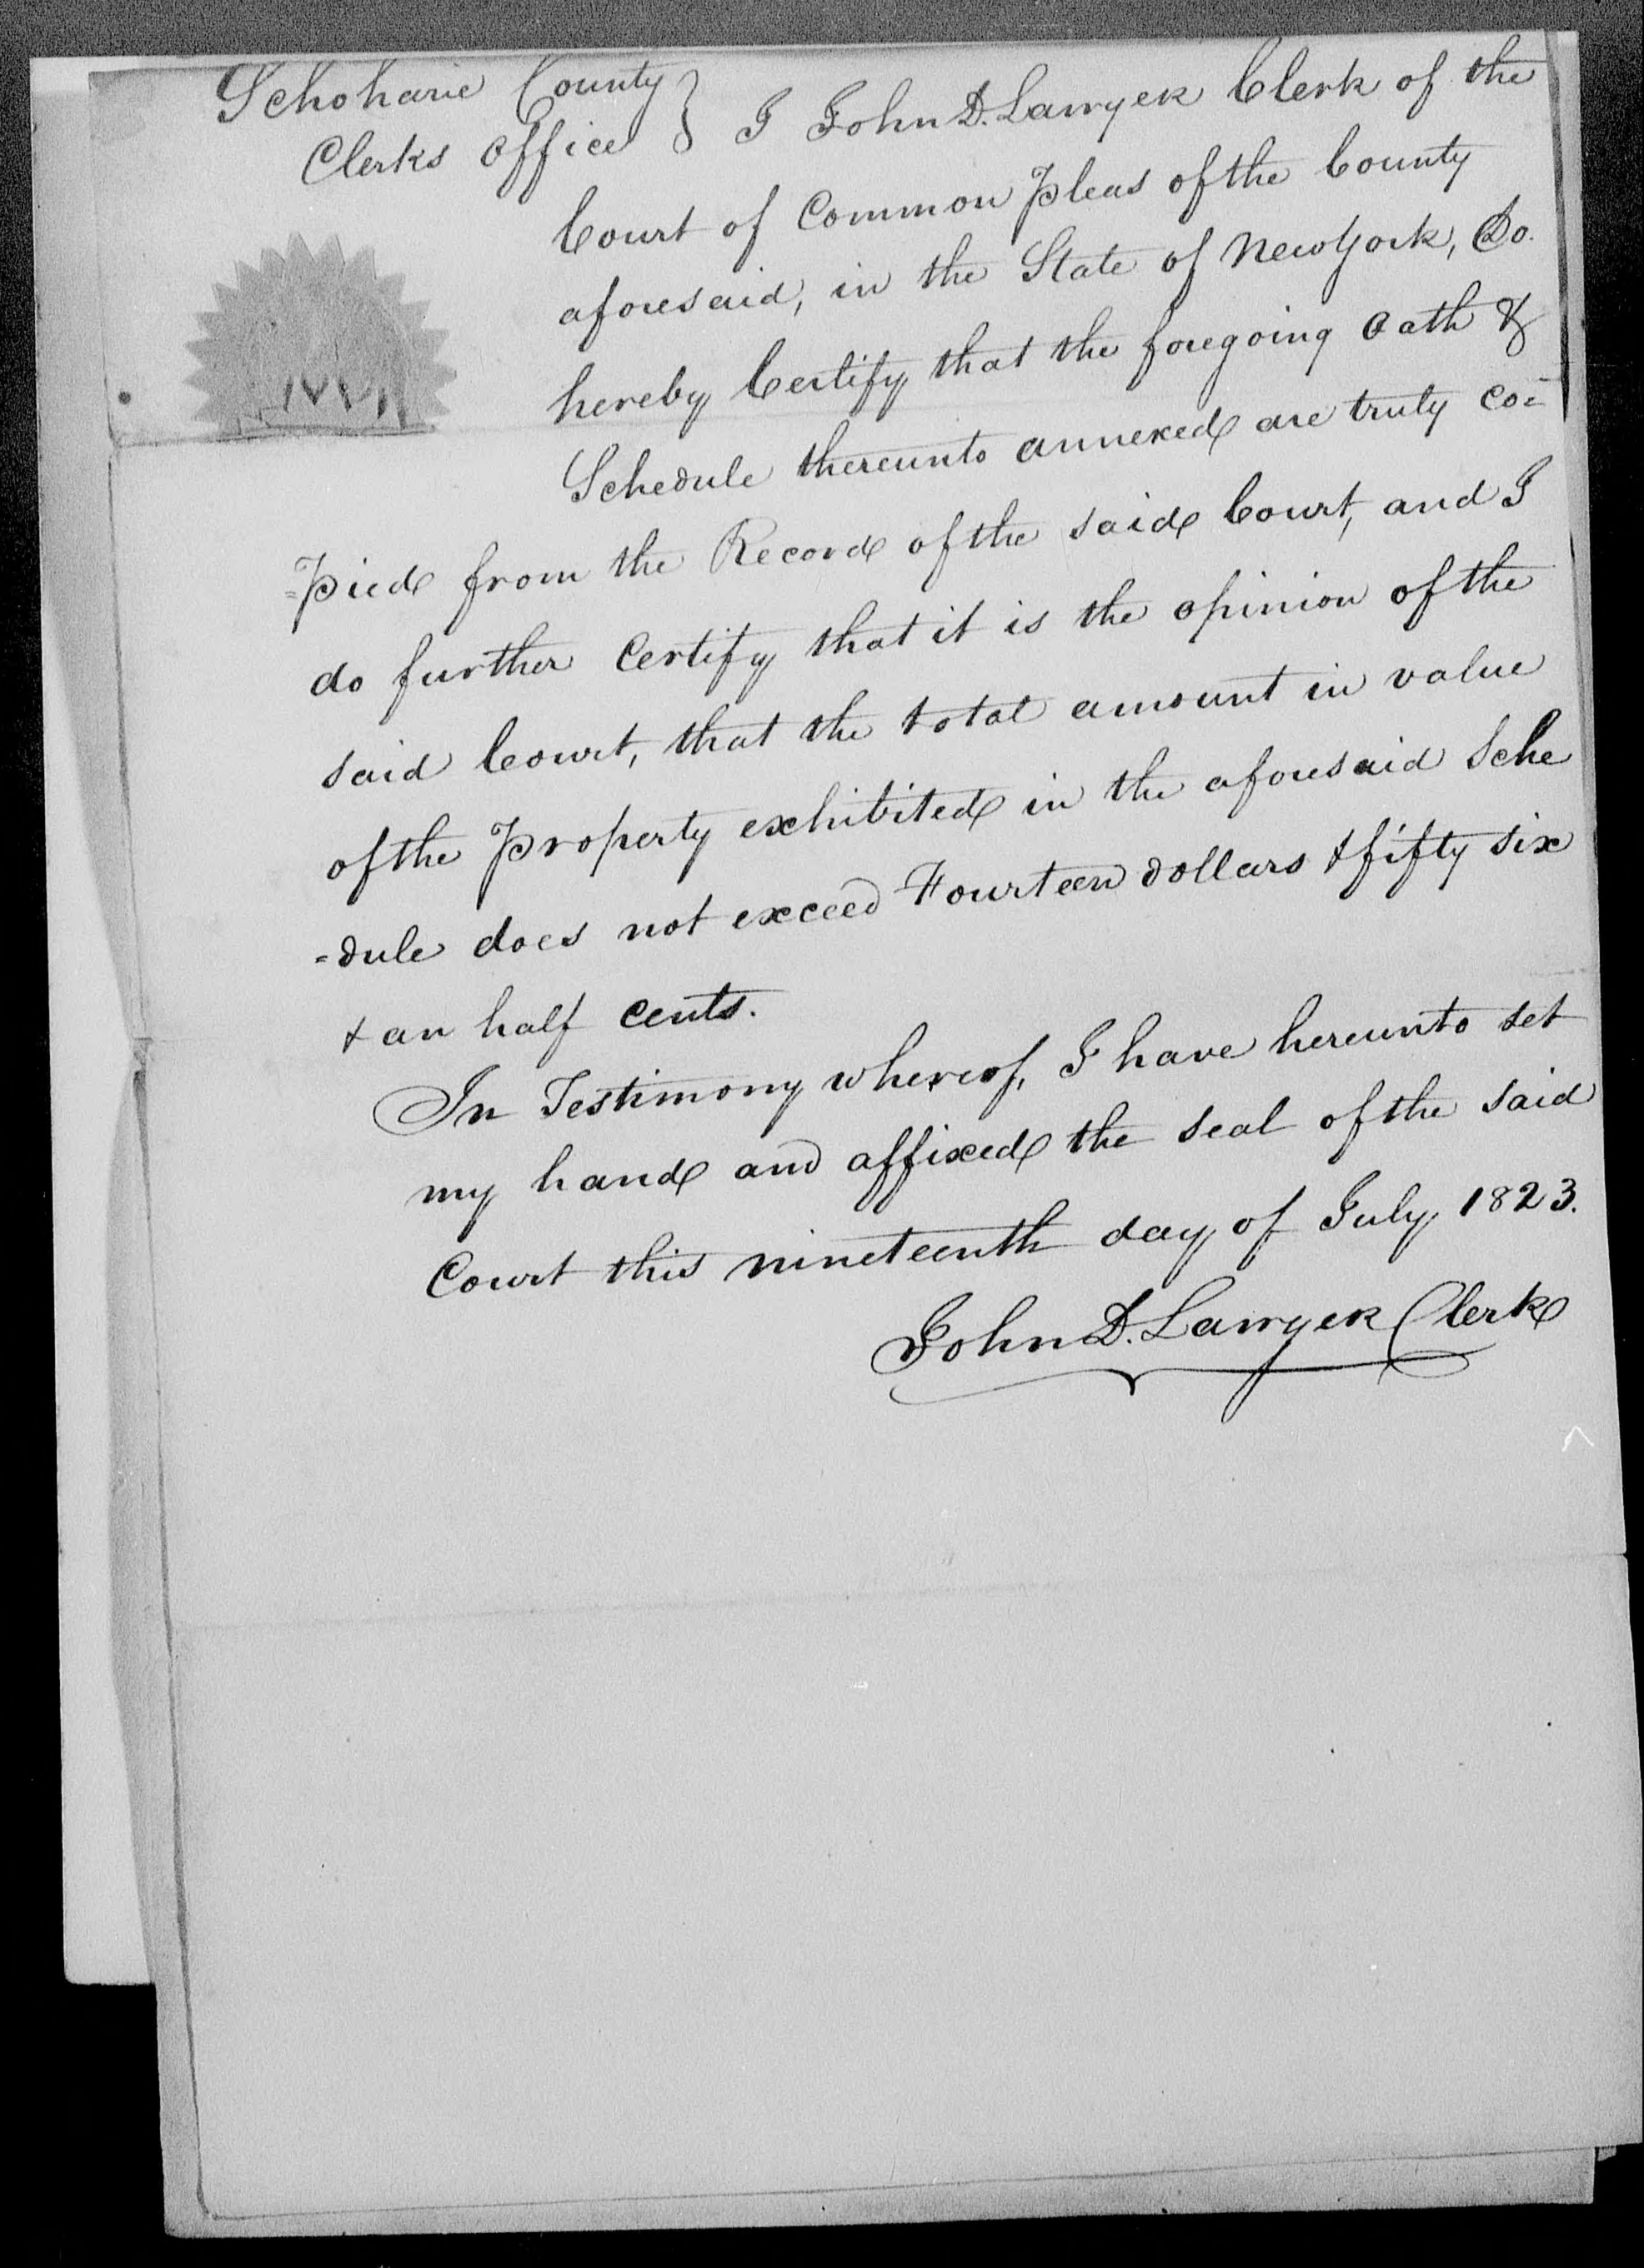[all handwritten]
Schoharie County
Clerks Office [bracket]
I John D. Lawyer Clerk of the Court of Common Pleas of the County afresaid, in the State of New York, Do 
hereby certify that the foregoing oath &
Schedule thereunto annexed are truly co
pied [copied] from the Records of the said Court, and I do further certify that it is the opinion of the
said Court, that the total amount in value
of the property exhibited in the aforesaid Sche
dule [Schedule] does not exceed Fourteen dollars & fifty six
& an half cents.
In Testimony whereof, I have hereunto set
my hand and affixed the seal of the said
Court this nineteenth day of July 1823.
John D. Lawyer Clerk
[flourish]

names: John D Lawyer, John D Lawyer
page: 6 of 9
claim: survivor's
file: S. 45181, Samuel Akins, New York